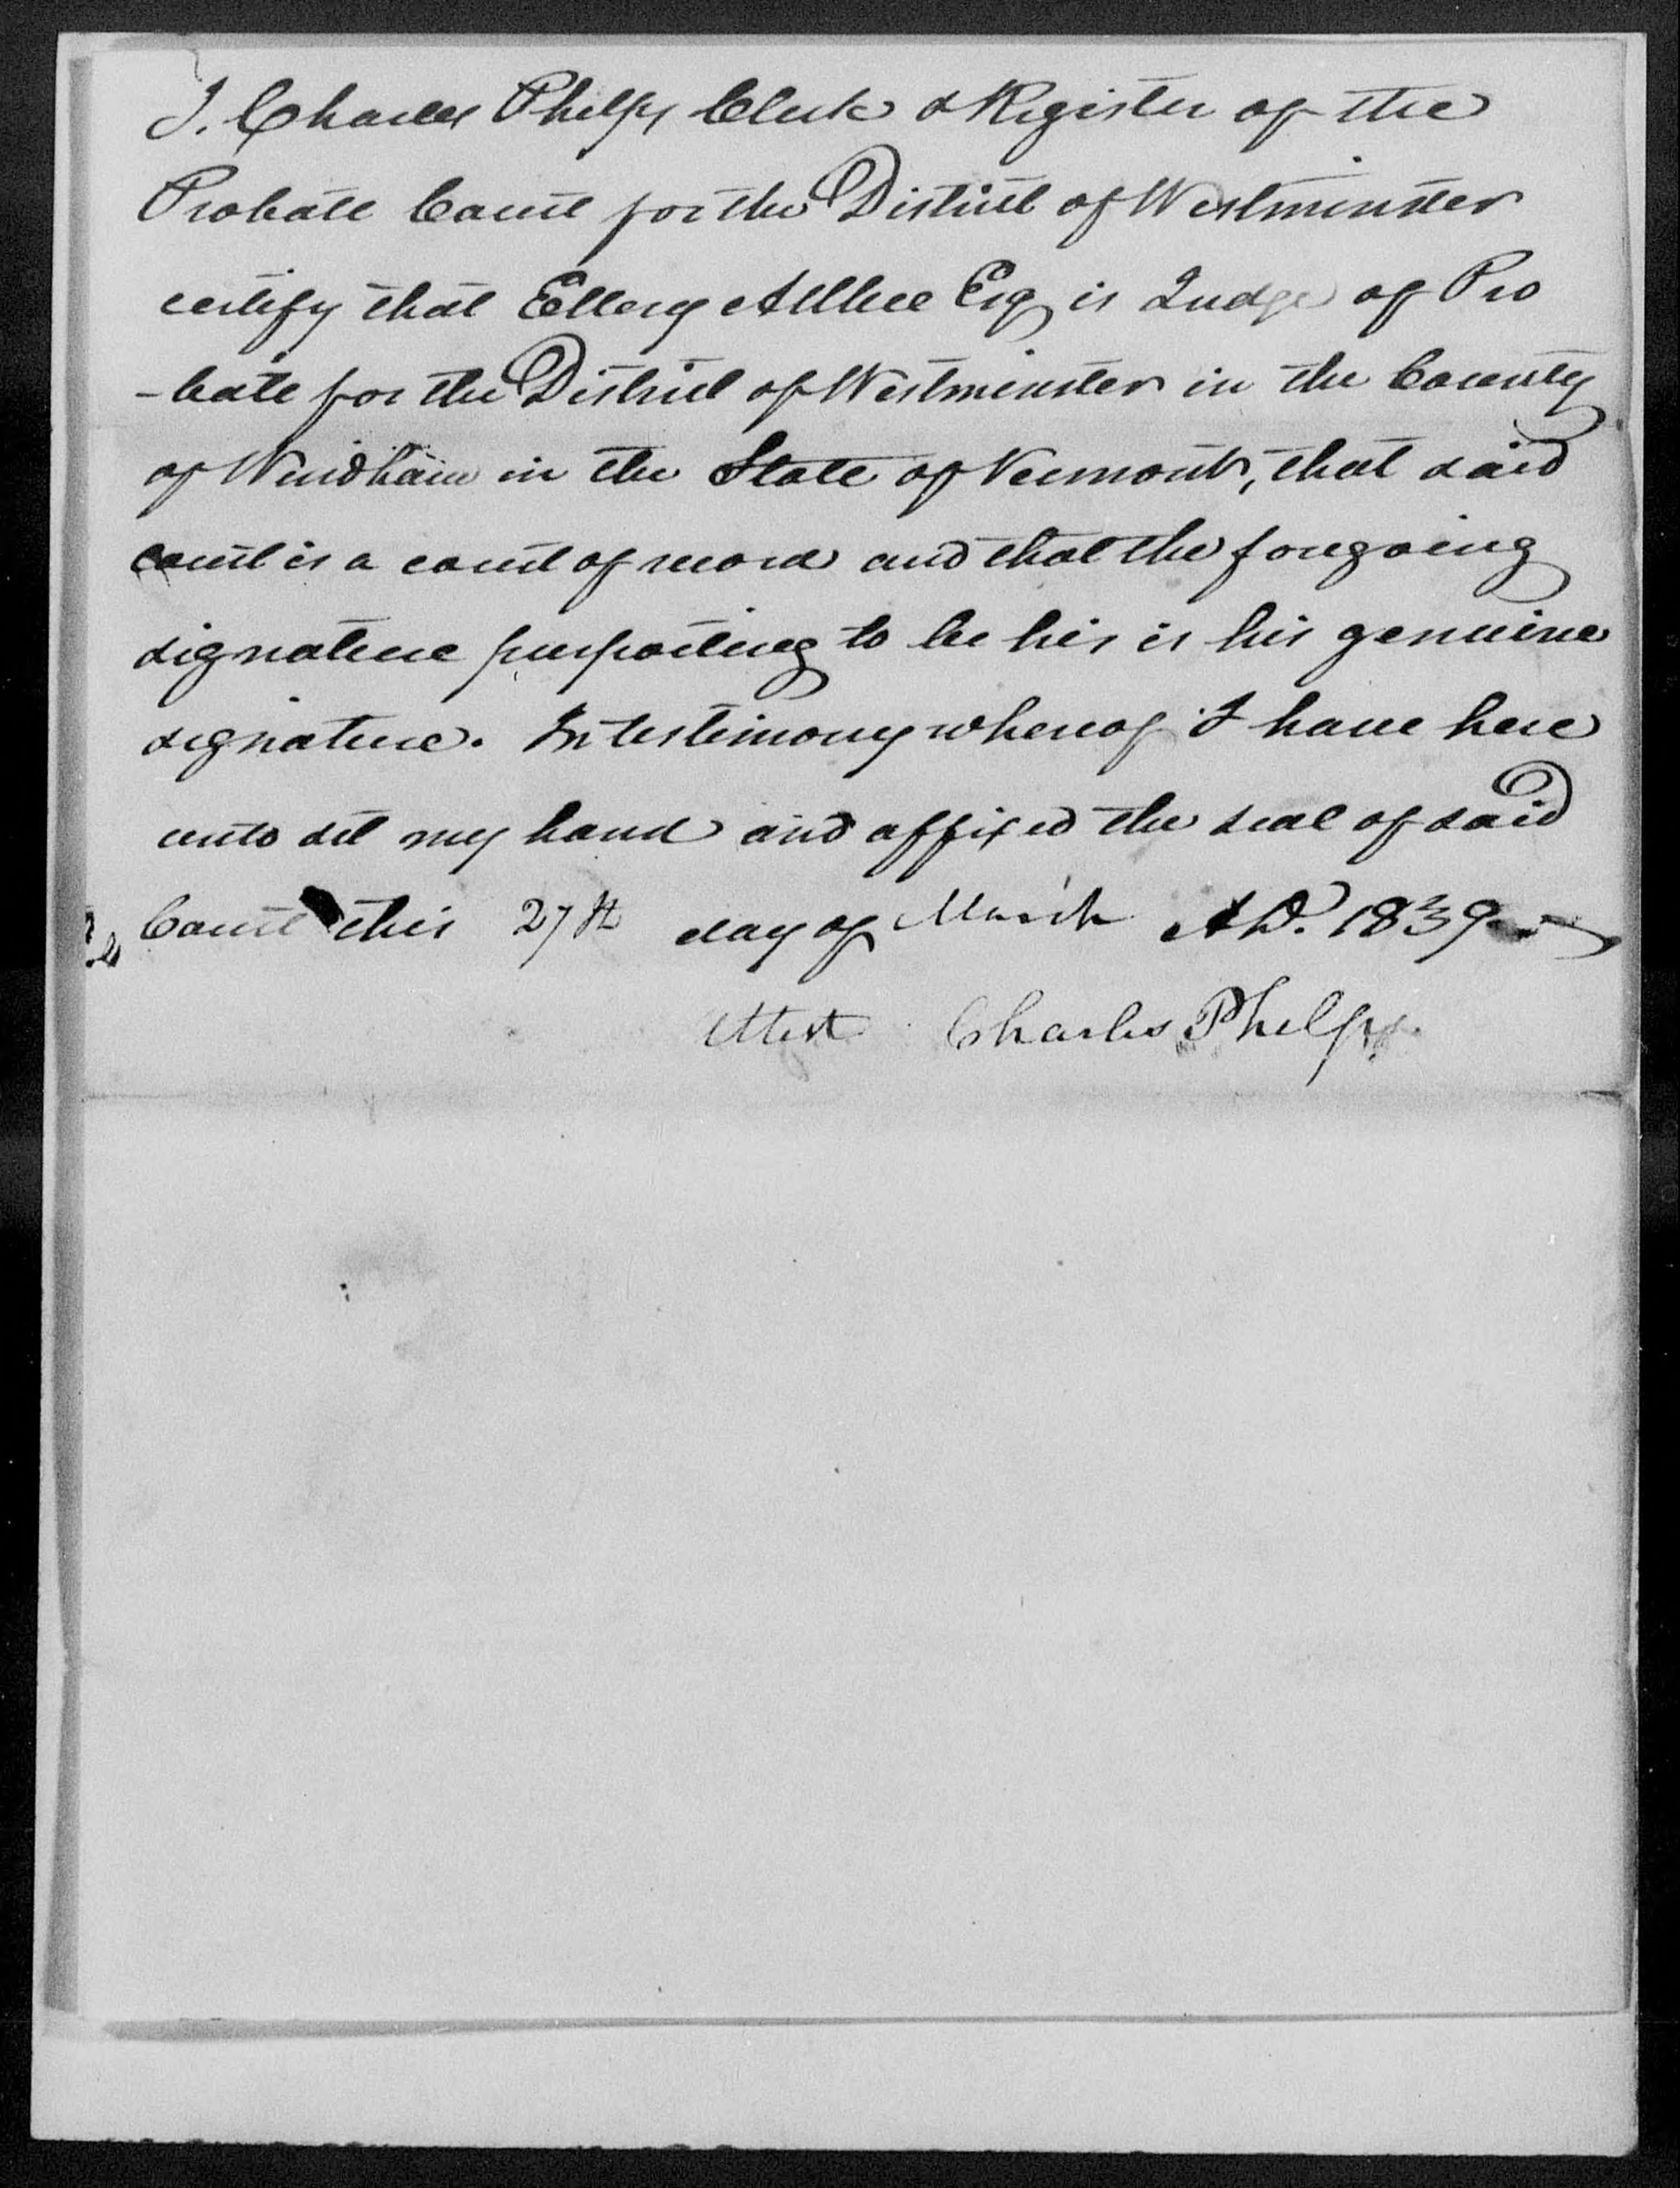I, Charles Phelps Clerk + Register of the Probate Court for the District of Westminster certify that Ellery Allbee Esq is Judge of Probate for the District of Westminster in the County of Windham in the State of Vermont, that said court is a court of record and that the foregoing signature purporting to be his is his genuine signature. In testimony whereof I have hereunto set my hand and affixed the seal of said Court this 27th day of March AD. 1839 - 
[court seal affixed] Attest /s/Charles Phelps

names: Ellery Allbee, Charles Phelps, Charles Phelps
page: 5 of 41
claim: widow's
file: W. 15627, Timothy Carpenter, Vt.